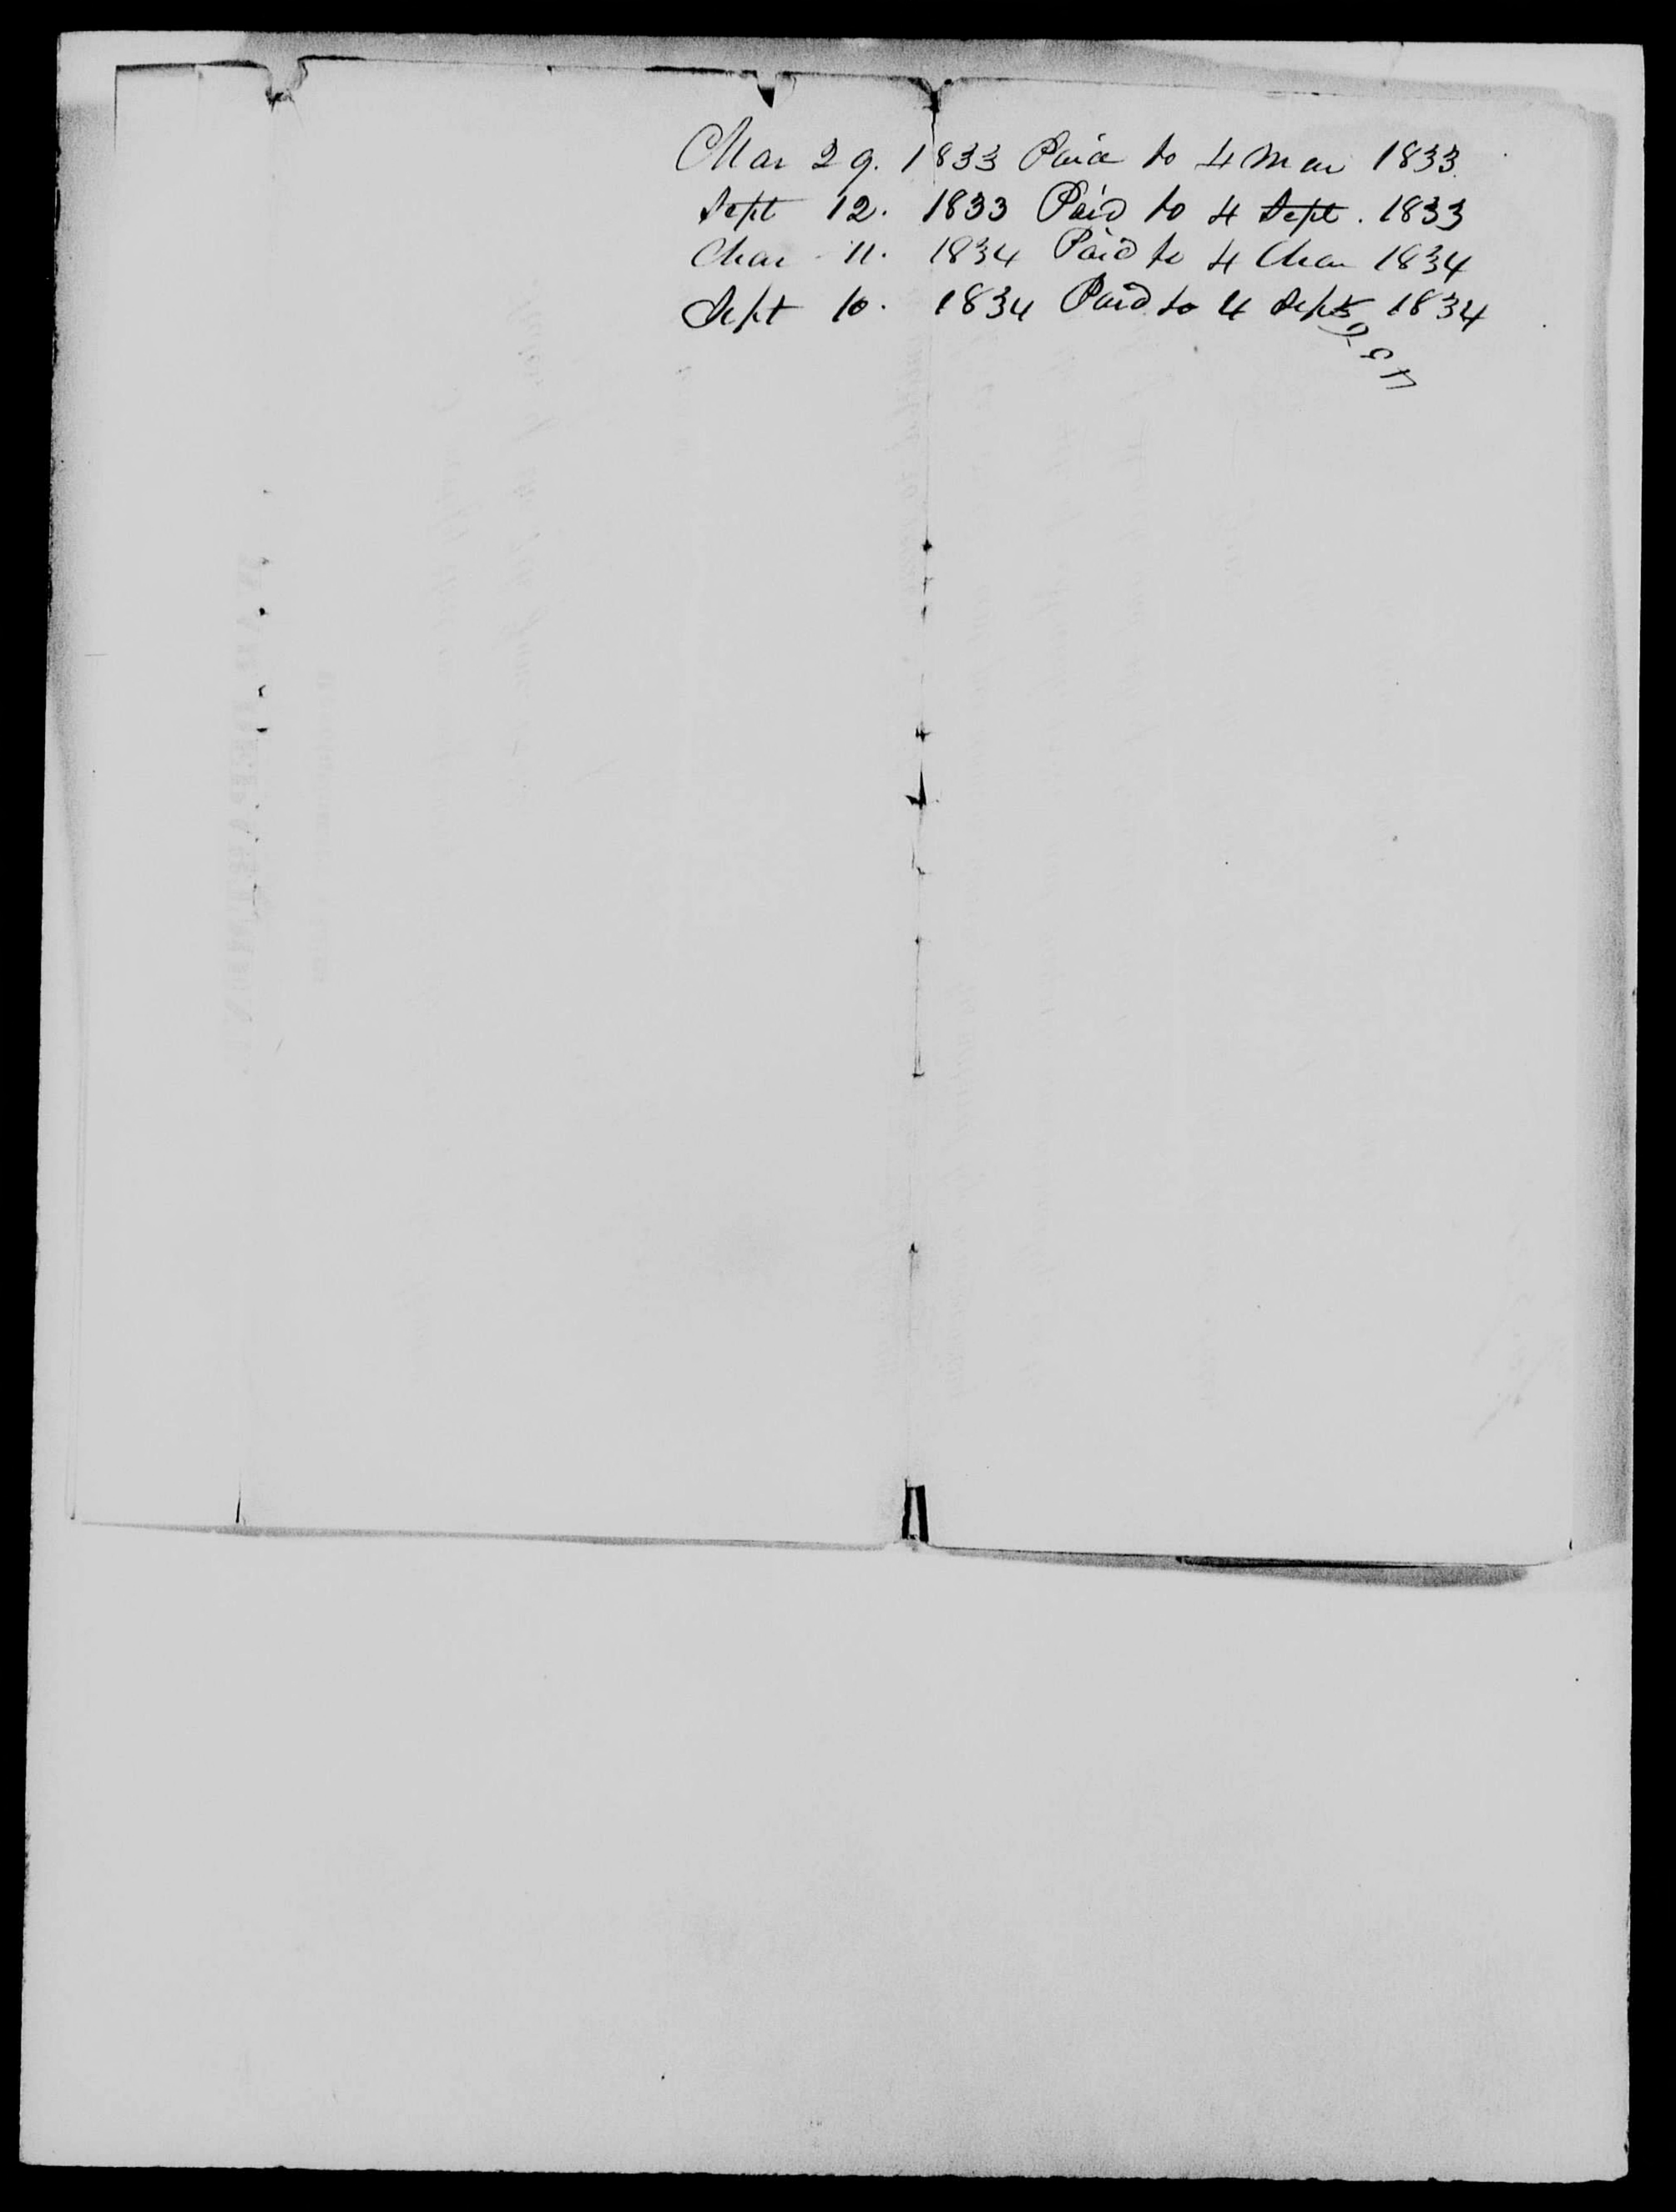Mar 29 1833 Paid to 4 Mar 1833
Sept 12 1833 Paid to 4 Sept 1833
Mar 11 1834 Paid to 4 Mar 1834
Sept 10 1834 Paid to 4 Sept 1834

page: 26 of 31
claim: survivor's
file: S. 2372, Stephen Bedford, New Jersey